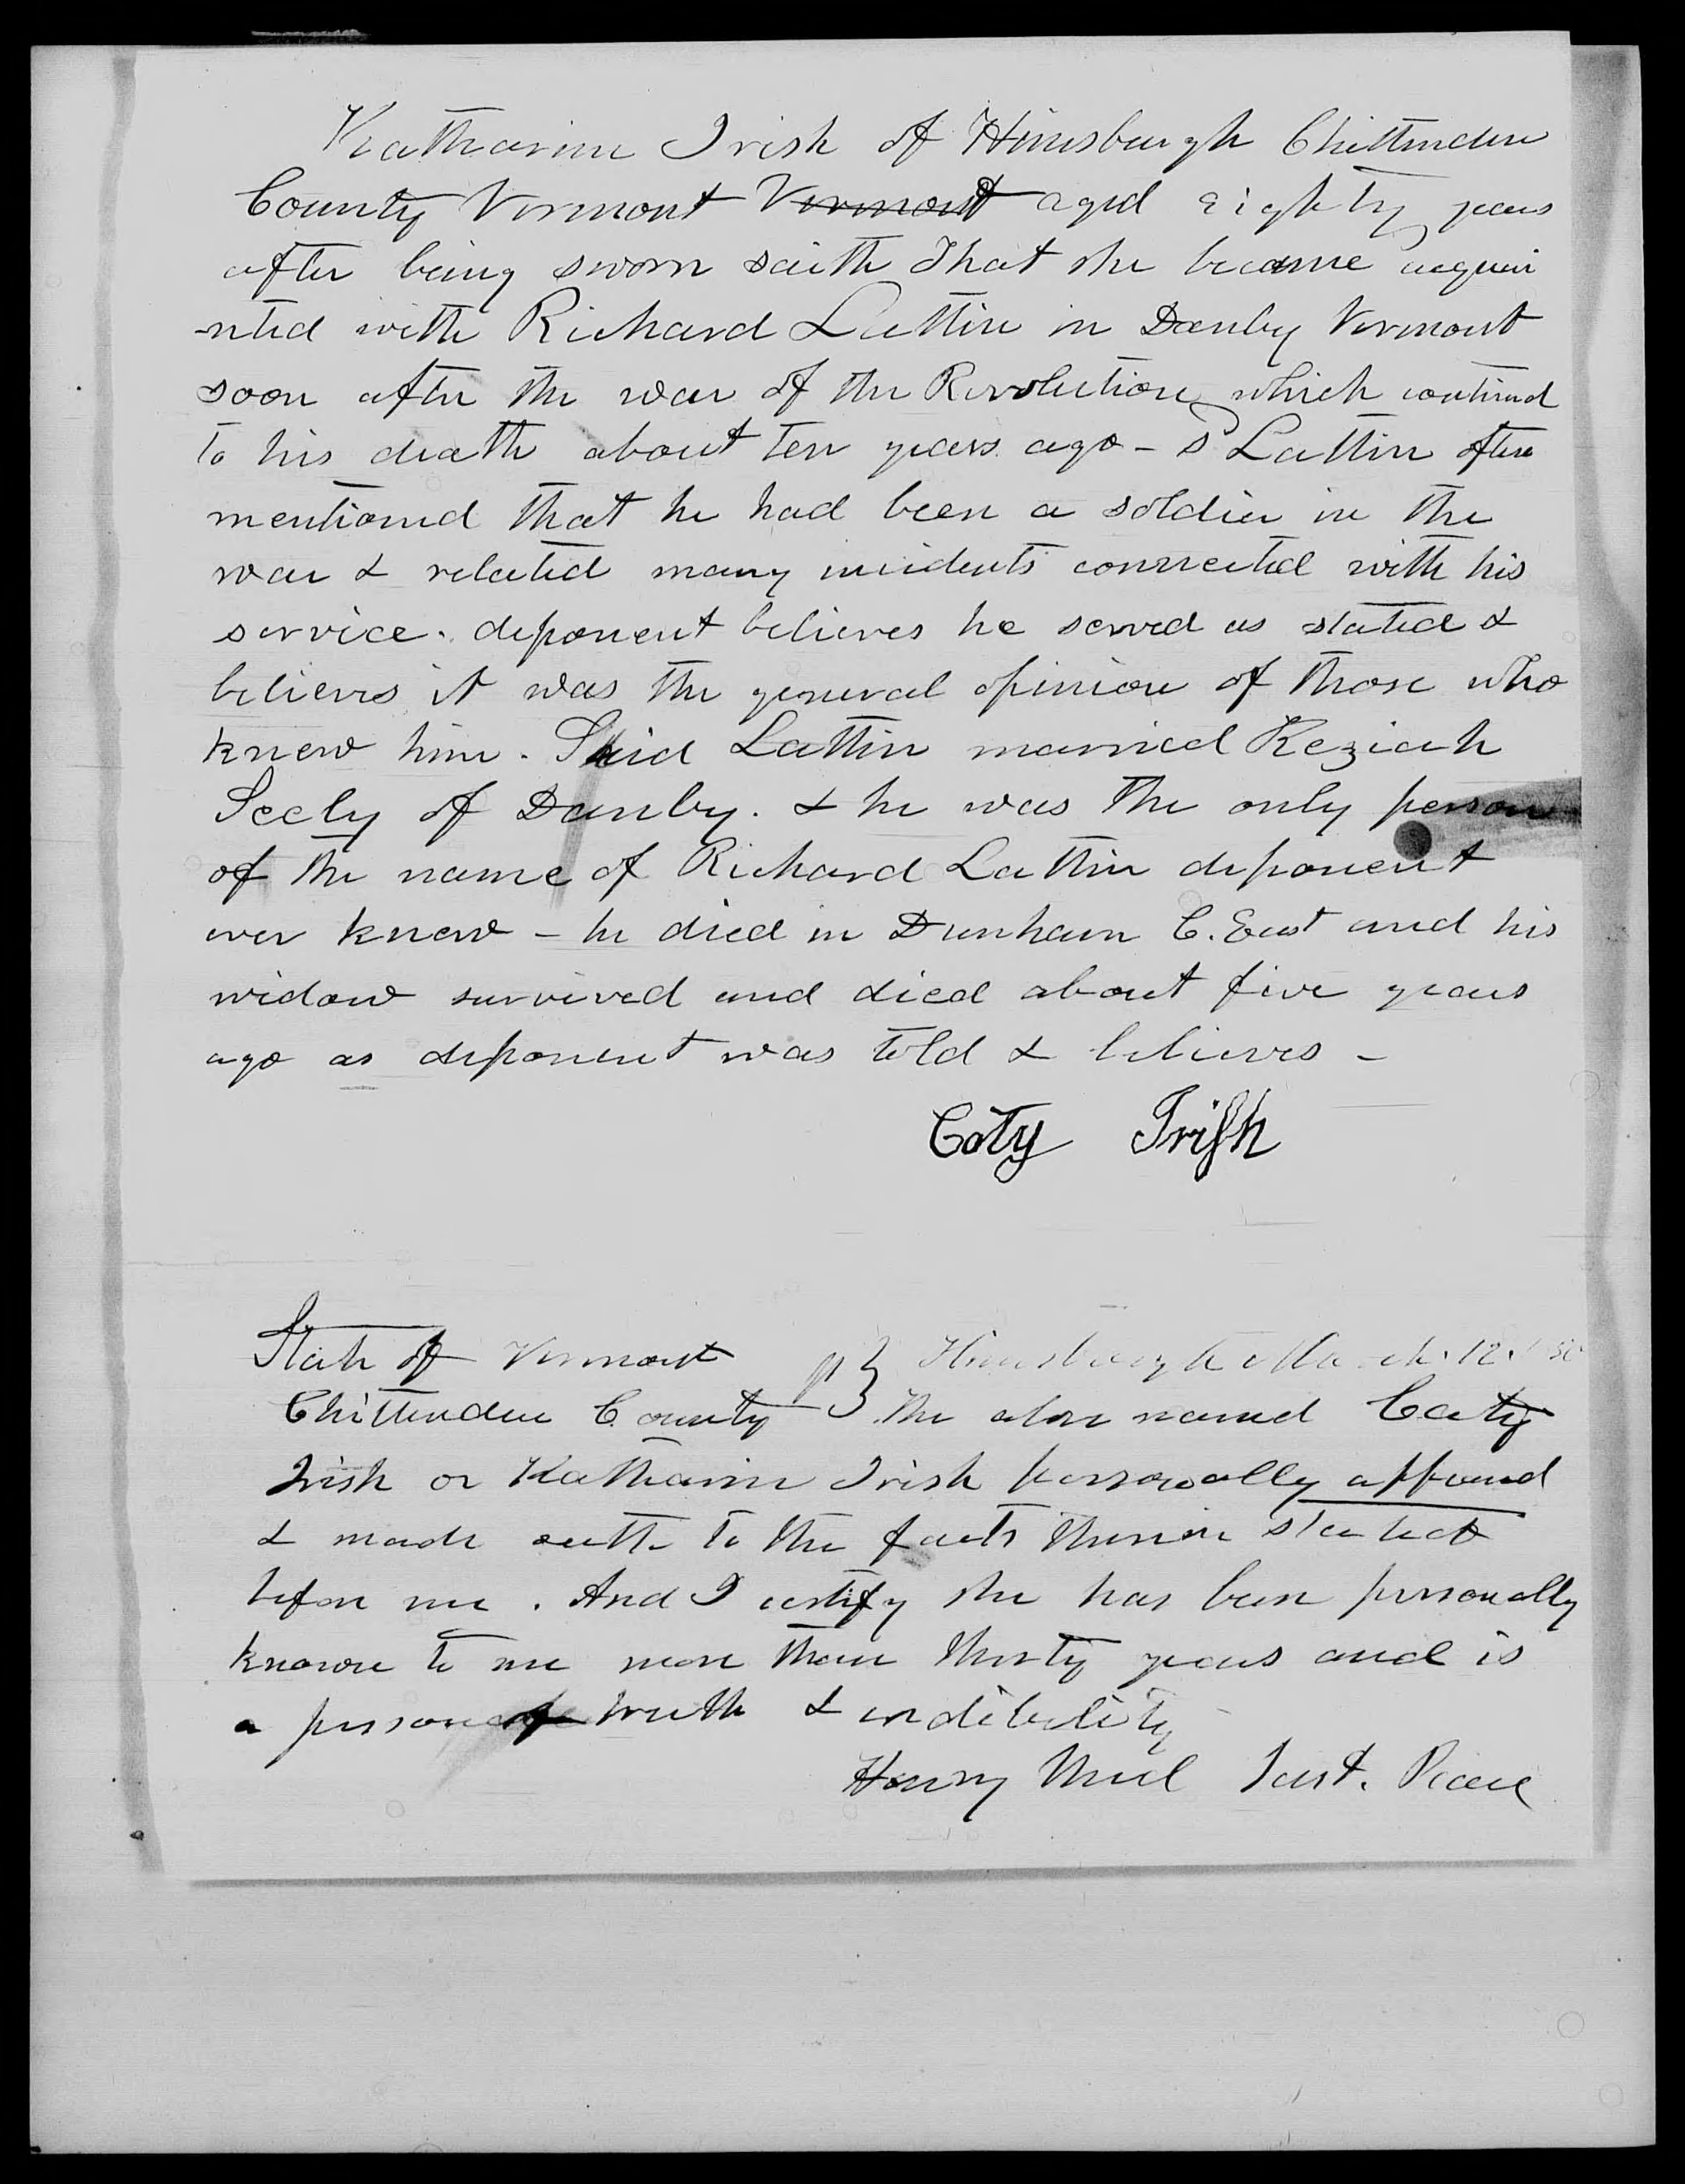Katharine Irish of Hinesburgh Chittenden
County Vermont aged Eighty years
after being sworn saith that she became acquainted
 with Richard Lattin in Danby Vermont, soon
after the war of the Revolution, which continued
to his death about ten years ago - S’d Lattin often mentioned
that he had been a soldier in the war
& related many incidents connected with his
service.  Deponent believes he served as stated &
believes it was the general opinion of those who
knew him. Said Lattin married Keziah
Seely of Danby & he was the only person
of the name of Richard Lattin deponent
ever knew - he died in Dunham C. East and his
widow survived and died about five years
ago as deponent was told & believes-
Caty Irish
State of Vermont Chittenden County ss
Hinesburgh March 12 [1850]
The above named Caty Irish or Katharine Irish
 personally appeared and 
made oath to the facts therein stated
before me. And I certify she has been personally
known to me more than thirty years and is a
person of truth & credibility.
Henry Weed Just. Peace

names: Caty Irish; Richard Lattin; Henry Weed; Keziah Seely; Katharine Irish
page: 83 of 99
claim: widow's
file: W. 24,482, for Richard Lattin, Vermont